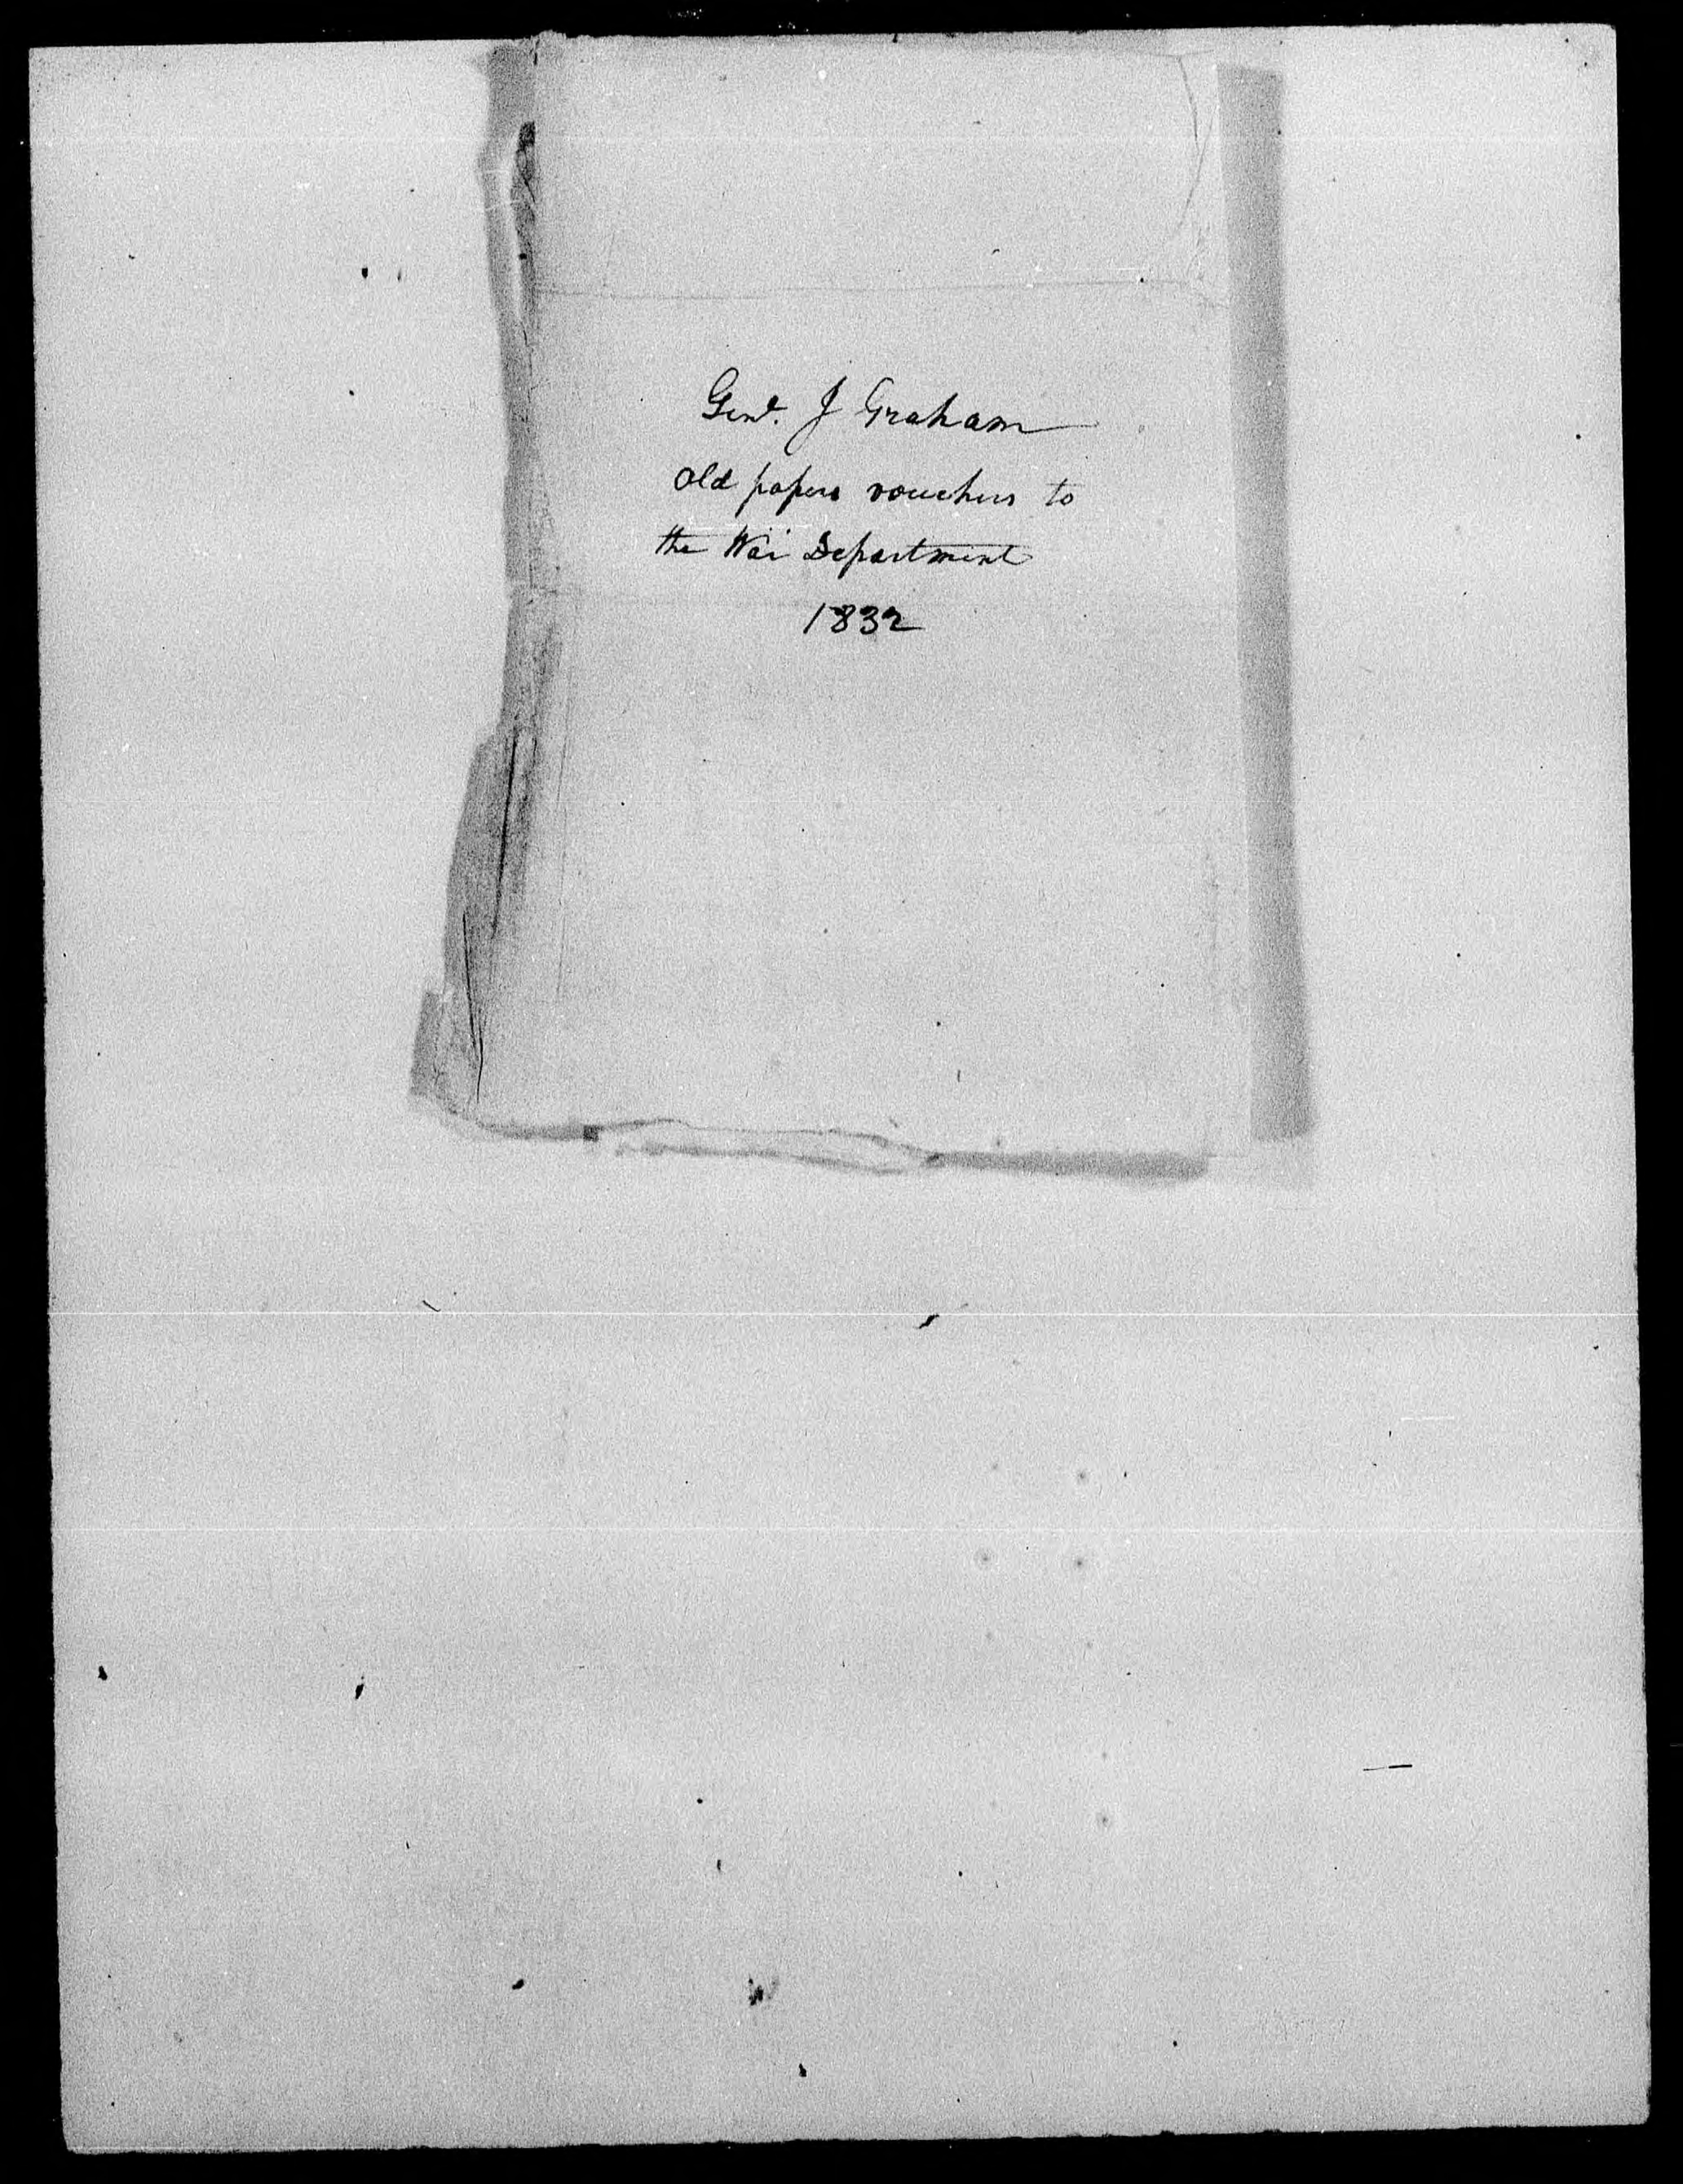Gen'l. J. Graham
old papers vouchers 
to the War Department 
1832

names: J Graham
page: 44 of 55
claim: survivor's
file: S. 6,937, Joseph Graham, N.C.